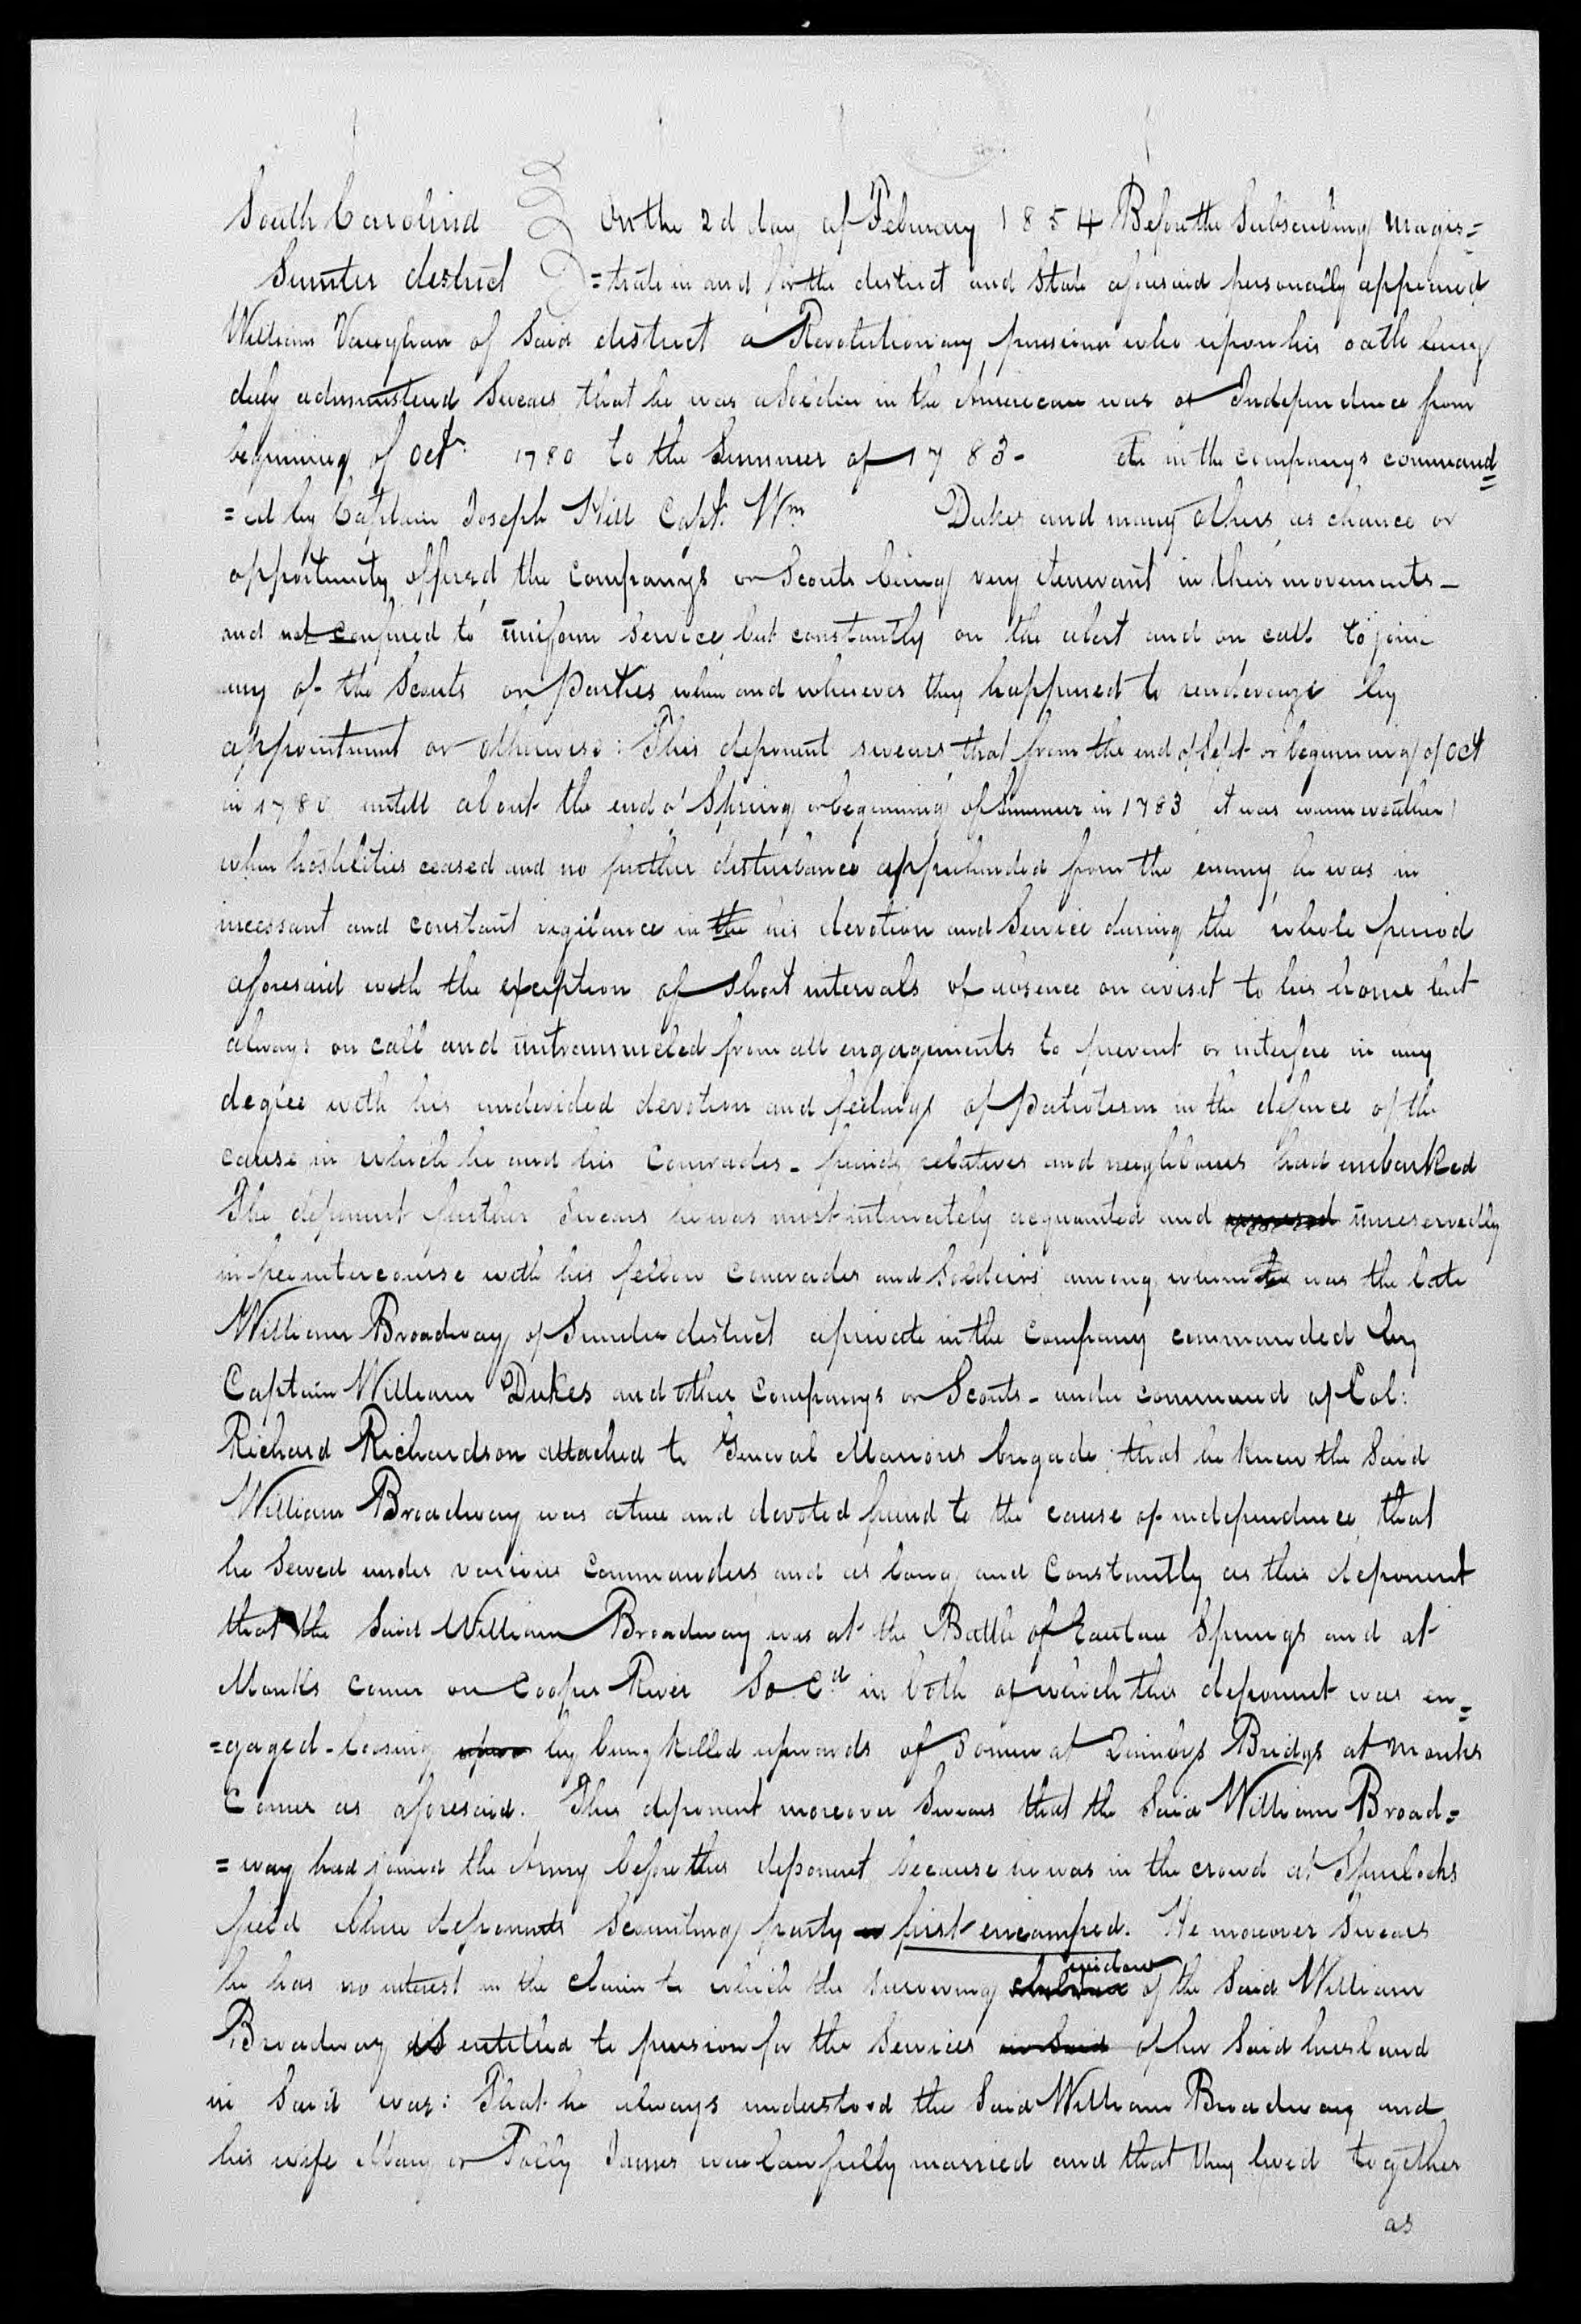South Carolina}
Sumter district} On the 2d day of February 1854 Before the Subscribing Magistrate William Vaughan of Said district a Revolutionary pensioner who upon his oath being duly administered Swears that he was a Soldier in the American war of Independence from beginning of Oct 1780 to the Summer of 1783 - in the companys commanded by Captain Joseph Hill, Capt. Wm Dukes and many others as chance or opportunity offered the companys or Scouts being very interrevant in their movements - and not confined to uniform Service but constantly on the alert and on call to join any of the Scouts on parties when and wherever they happened to rendezvous by appointment or otherwise: This deponent swears that from the end of Sept or beginning of Oct in 1780 untill about the end of Spring or beginning of Summer in 1783 it was warm weather when hostilities ceased and no further disturbances apprehended from the enemy he was in incessant and constant vigilance in his devotion and Service during the whole period aforesaid with the exception of short intervals of absence on a visit to his house but always on call and untrammeled from all engagements to prevent or interfere in any degree with his undivided devotion and feelings of patriotism in the defence of the cause in which he and his comrades - friends relatives and neighbours had embarked. The deponent further Swears he was most intimately acquainted and innumerably in free intercourse with fellow comrades and Soldiers among whom was the late William Broadway of Sumter district a private in the company commanded by Captain William Dukes and other companys or Scouts - under command of Col: Richard Richardson attached to General Marions brigade that he knew the Said William Broadway was a true and devoted friend to the cause of independence, that he Served under various commanders and as long and constantly as this deponent that the Said William Broadway was at the Battle of Eutaw Springs and at Monks [Moncks] Corner on Cooper River So. Ca. in both of which this deponent was ingaged - [illegible] by being killed upwards of [8 times at Quinby's Bridge at Monks Corner as aforesaid. This deponent moreover Swears that the Said William Broadway had joined the Army before this deponent because he was in the crowd at Spenlocks field where deponents Scouting party first encamped. He moreover Swears he has no interest in the claim to which the surviving widow of the Said William Broadway is entitled to pension for the Services of her Said husband in Said war: That he always understood the Said William Broadway and his wife Mary or Polly James were lawfully married and that they lived together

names: Polly James, Richard Richardson, Wm Dukes, William Broadway, William Broadway, William Vaughan, William Broadway, William Broadway, William Broadway, Joseph Hill, William Dukes, Mary James, William Broadway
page: 96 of 98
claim: widow's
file: W. 8398, William Broadway, S.C.